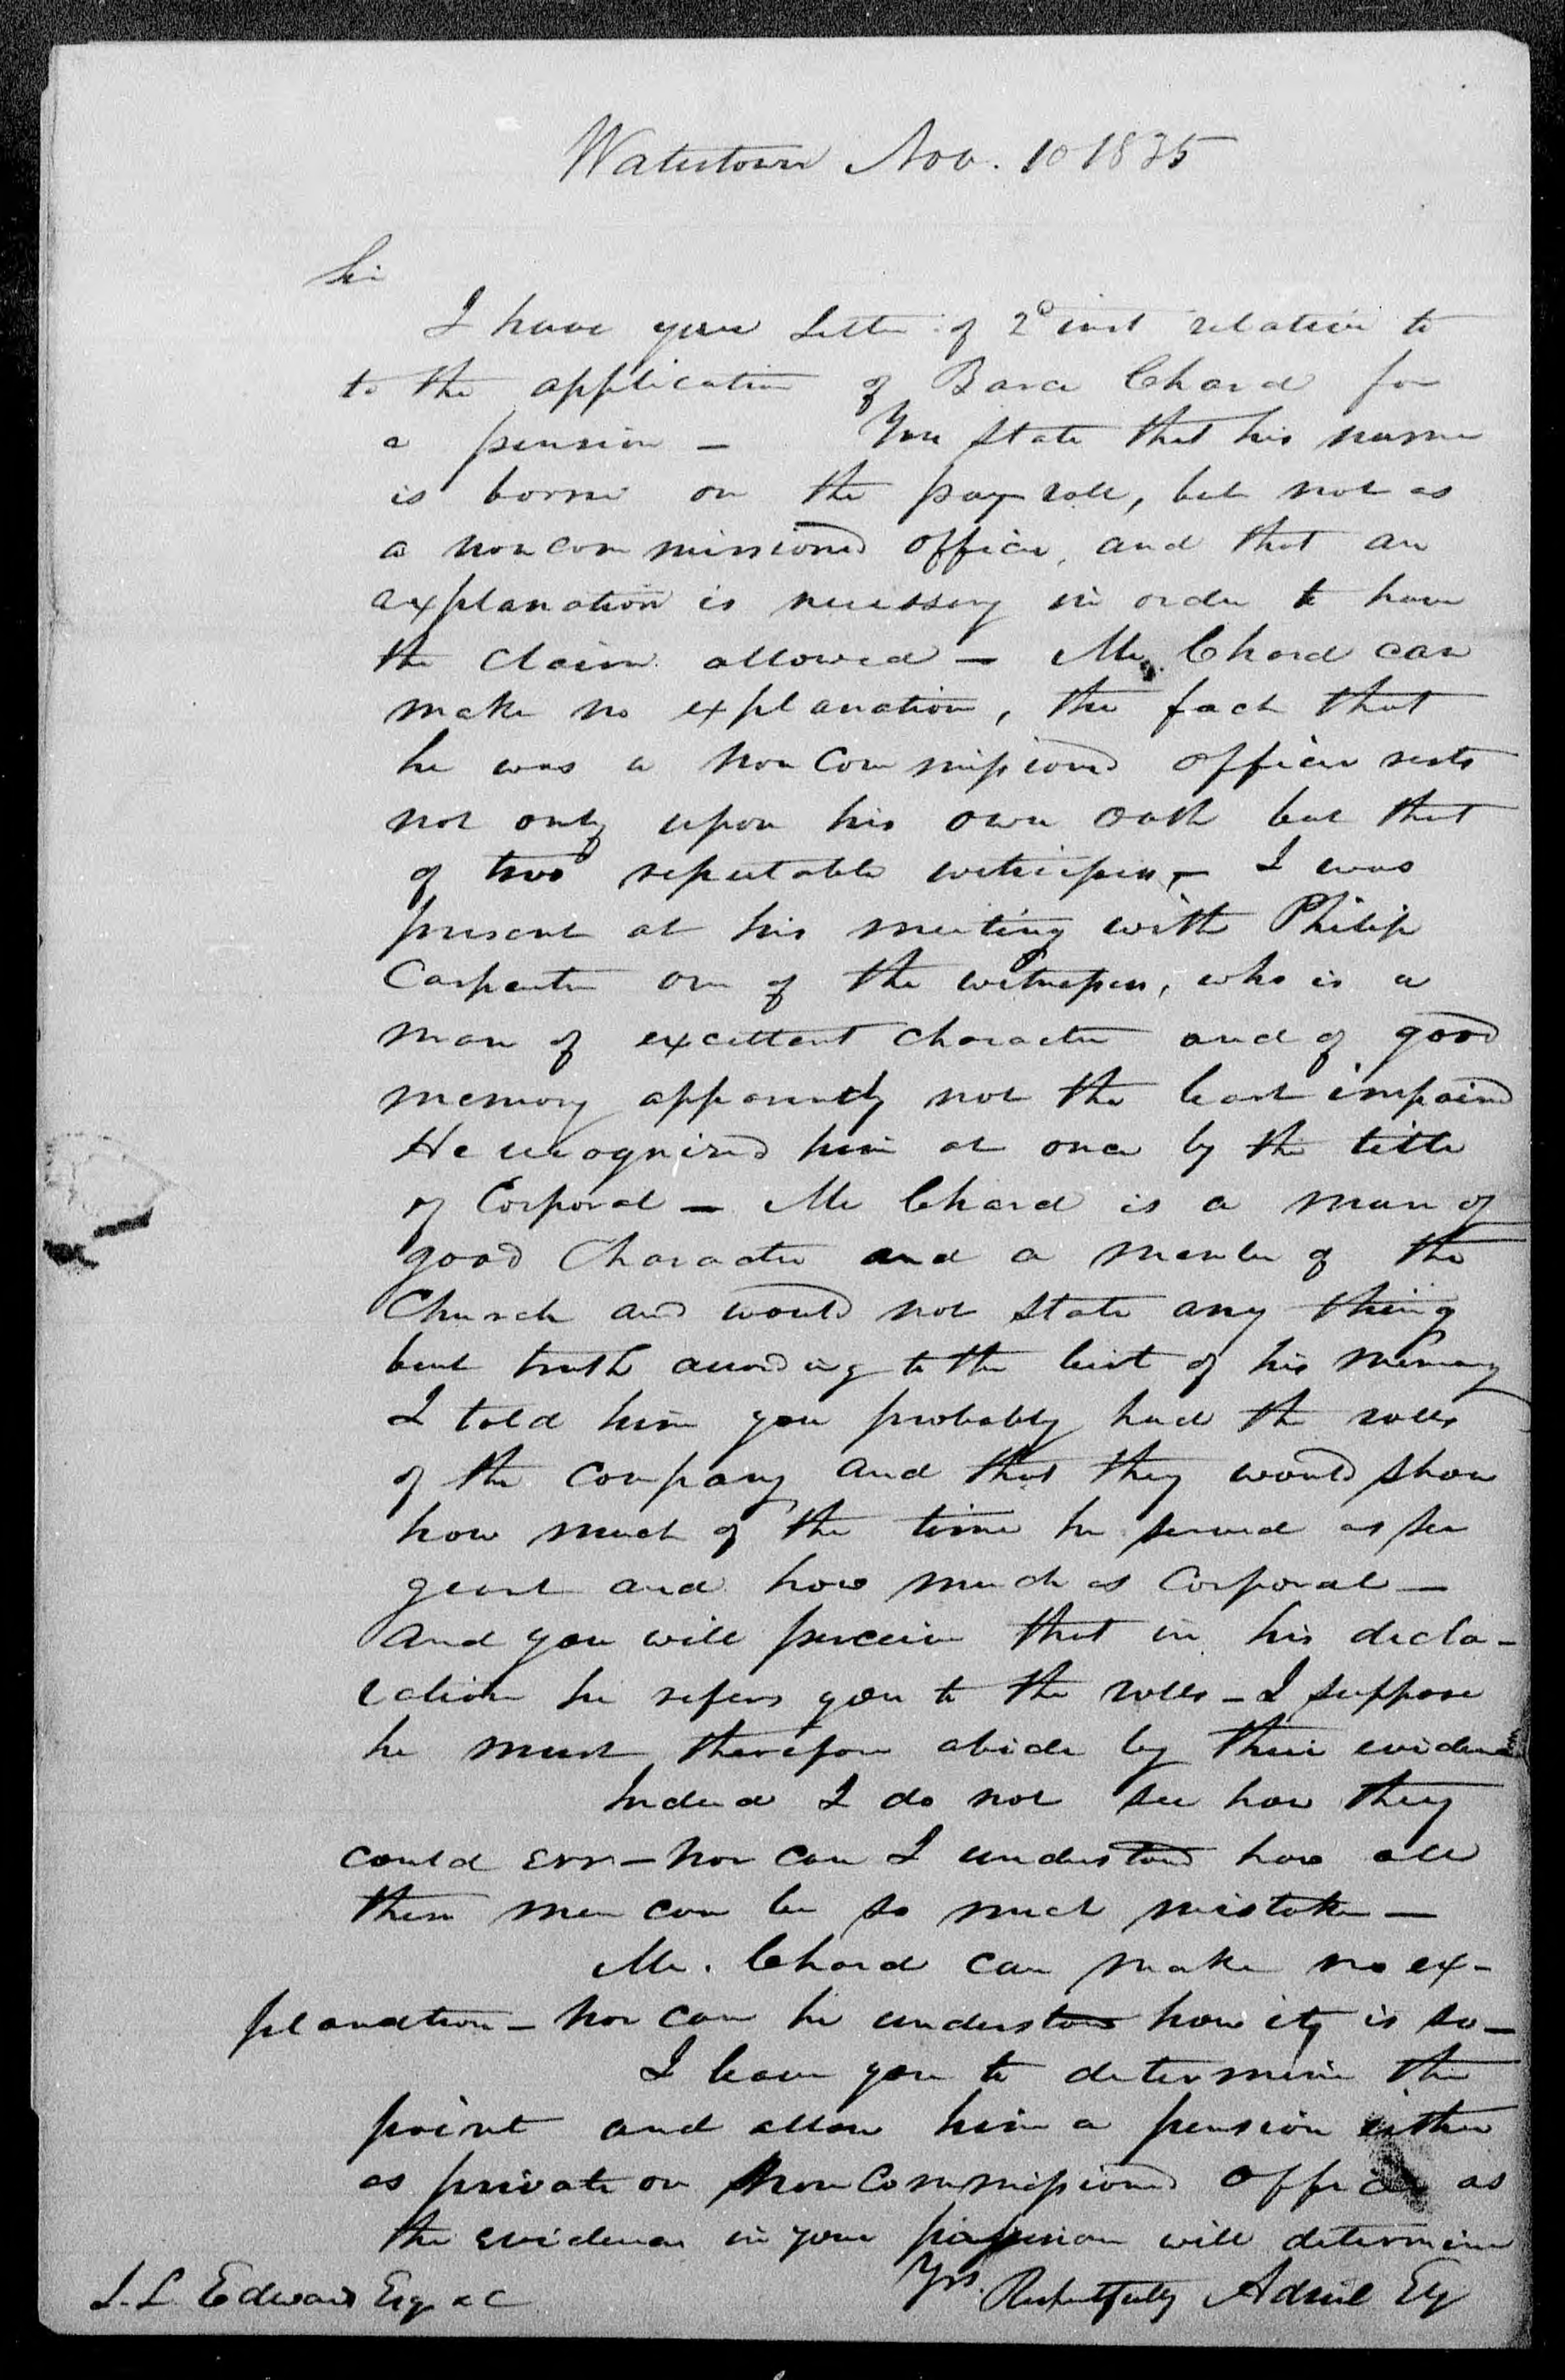Watertown Nov. 10 1835 
Sir
I have your Letter of 2d inst relative to to the application of Barce Chard for a pension- You state that his name is borne on the pay roll, but not as a non commissioned officer, and that an explanation is necessary in order to have the claim allowed. Mr Chard can make no explanation, the fact that he was a non commissioned officer rests not only upon his own oath but that of two reputable witnesses. I was present at his meeting with Philip Carpenter one of the witnesses, who is a man of excellent character and of good memory apparently not the least impaired. He recognized him at once by the title of Corporal. Mr Chard is a man of good character and a member of the Church and would not state any thing but truth according to the best of his memory. I told him you probably had the rolls of the Company and that they would show how much of the time he Served as Sergeant and how much as Corporal - And you will perceive that in his declaration he refers you to the rolls. I suppose he must therefore abide by their evidence. 
Indeed I do not see how they could err - nor can I understand how all then man can be so much mistook. 
I have you to determine the point and allow him a pension either as private or non commissioned officer as the evidence in your possession will determine.
Yrs Respectfully
Adriel Ely

J.L. Edwards Esq &c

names: J L Edwards, Chard, Barce Chard, Philip Carpenter, Adriel Ely, Chard, Chard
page: 39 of 47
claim: widow's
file: W. 10,602, Barce Chard, New York.